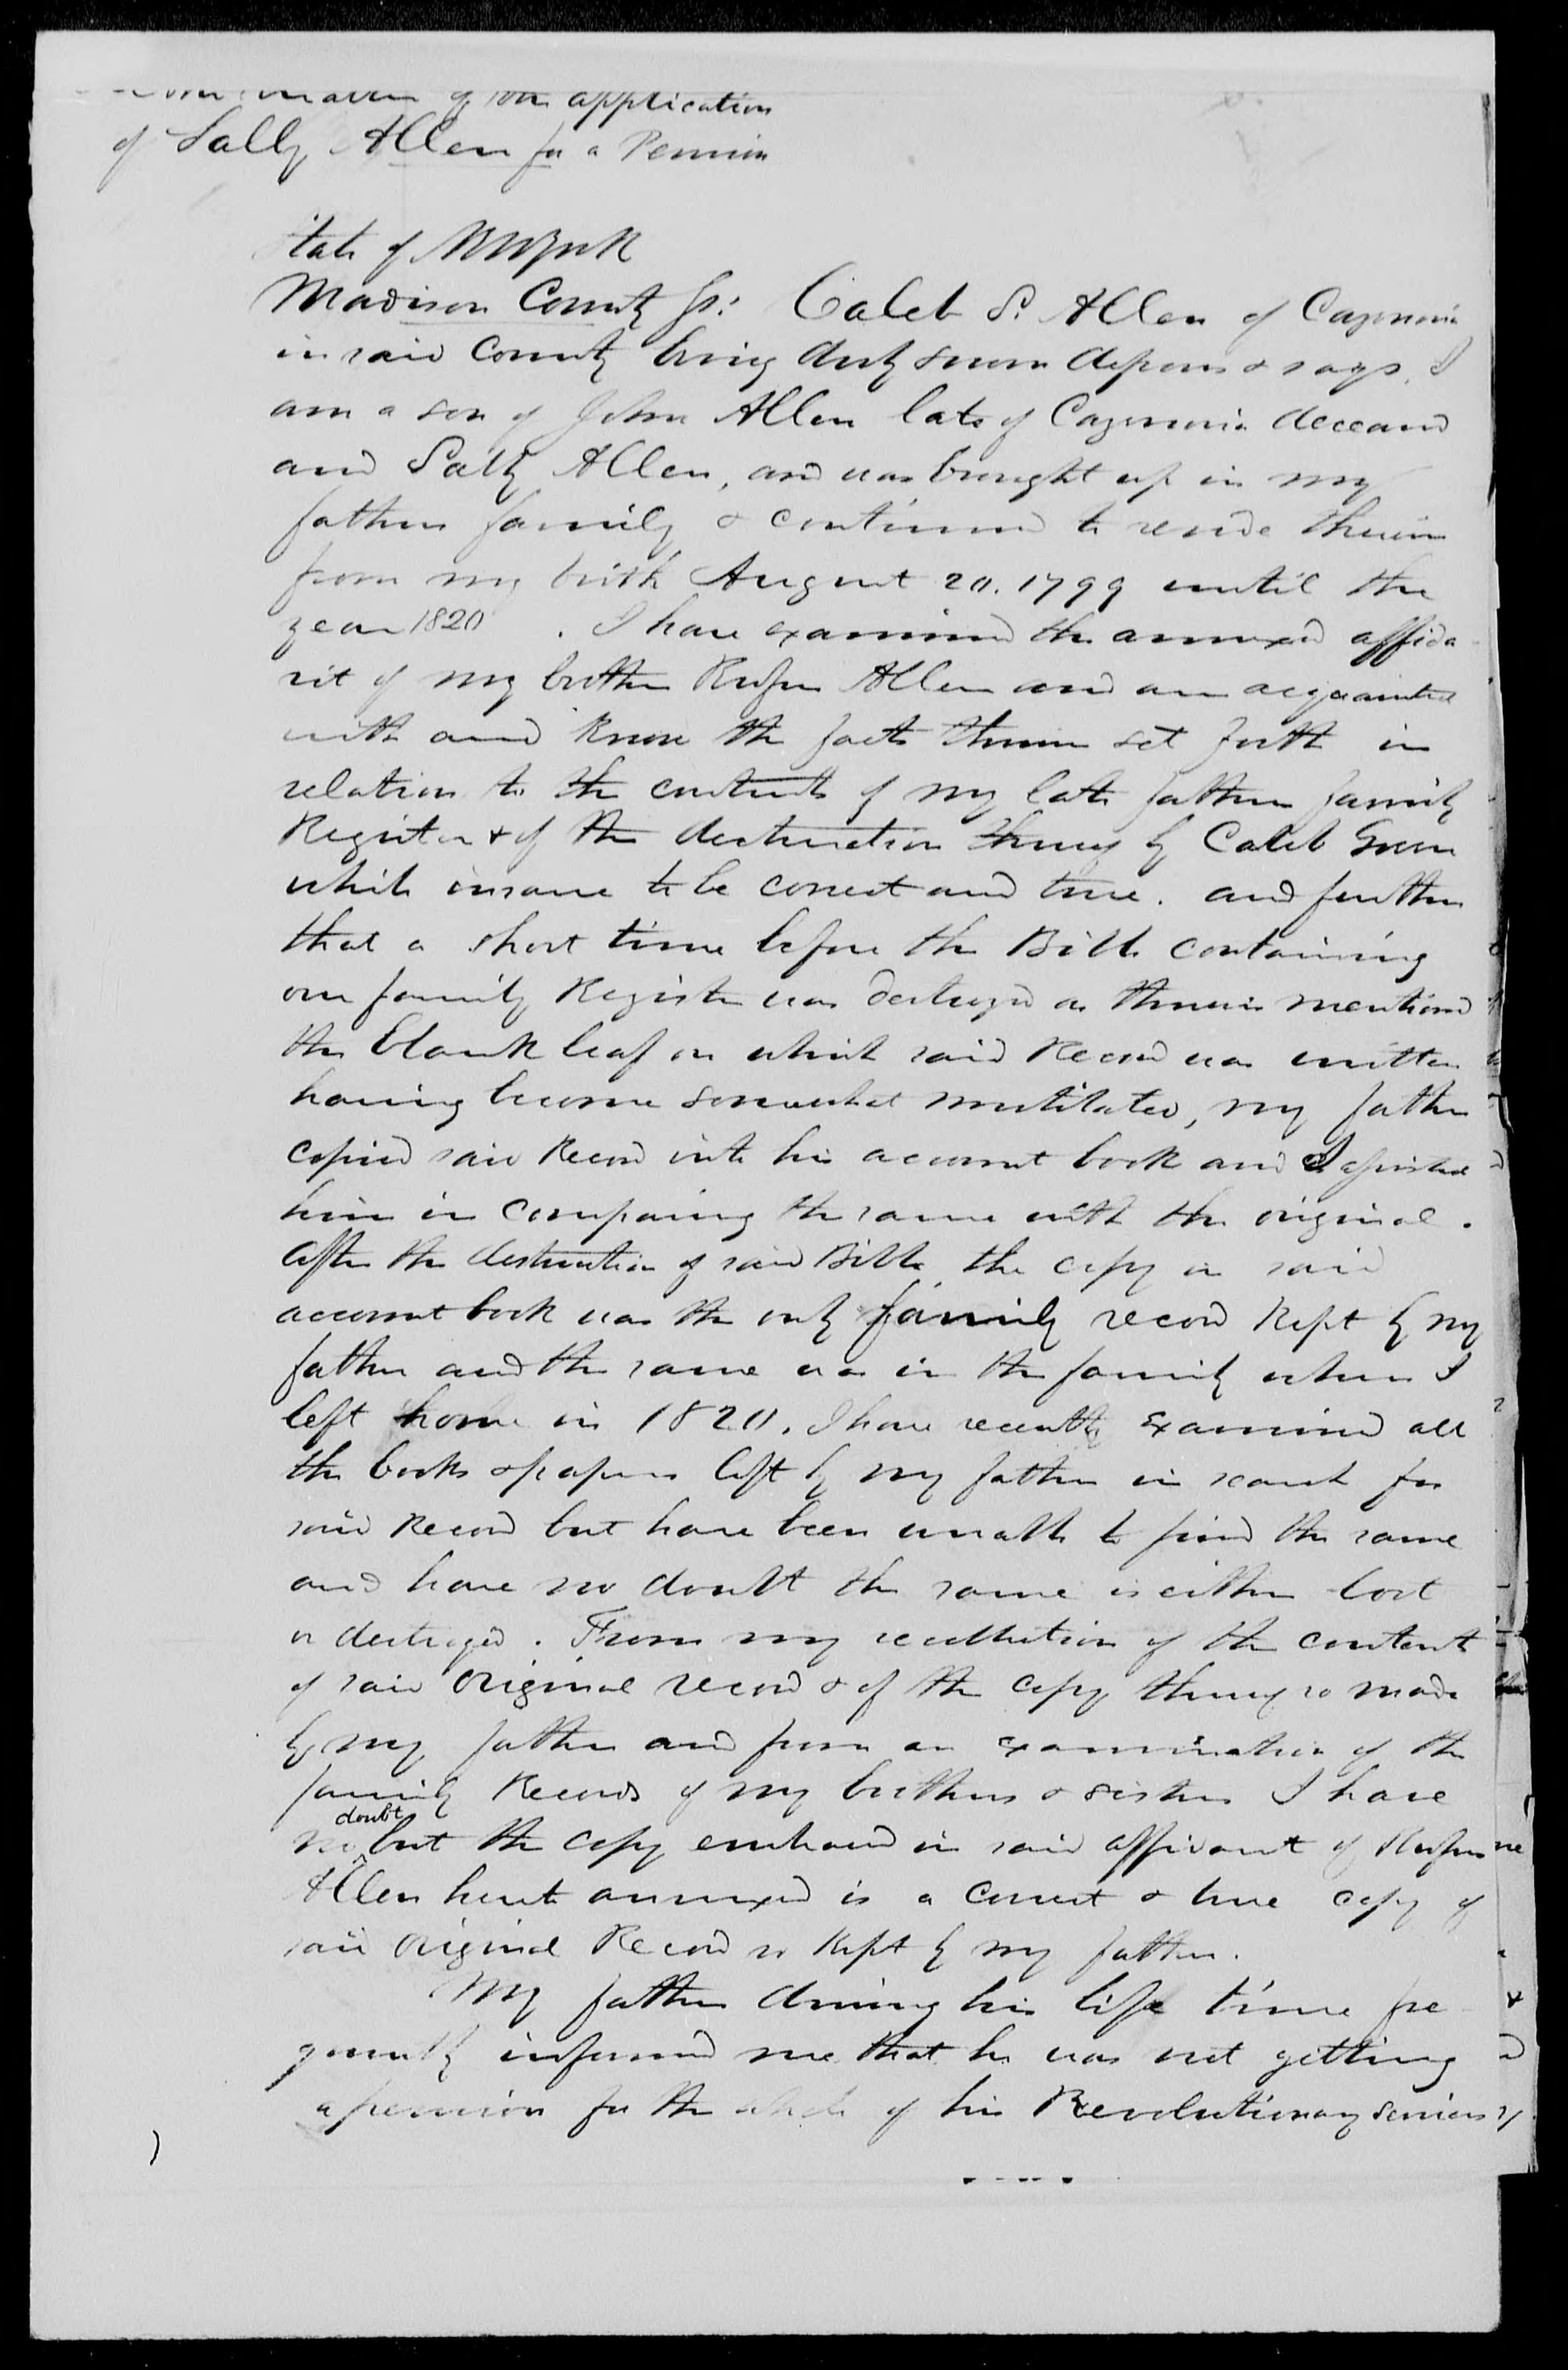[illegible – top half of sentence covered] of the application 
Of Sally Allen for a Pension 
State of New York Madison County ss:  Caleb S. Allen of Cazenovia in said County being duly sworn deposes & says I am a son of John Allen late of Cazenovia deceased and Sally Allen and was brought up in my fathers family & continue to reside therein from my birth August 20, 1799 until the year 1820. I have examined the annexed affidavit of my brother Rufus Allen and am acquainted with and know the facts then set forth in relation to the contents of my late fathers family Register & of the destruction thereof by Caleb Green which [illegible] to be correct and true. and further that a short time before the Bible containing our family Register was destroyed is therein mentioned the blank leaf on which said record was written having become somewhat mutilated, my father Copied said Record into his account book and I assisted him in comparing the same with the original. After the destruction of said Bible the copy in said account book was the only family record kept by father and the same as in the family when left home in 1820. I have recently examined all the books papers left by my father in march for said Record but have been unable to find the same and have no doubt the same is either lost or destroyed. From my recollection of the contents of said original record & of the copy thereof so made by my father and from an examination of the family Records of my brothers & sisters I have no ^ doubt but the copy enclosed in said affidavit of Rufus Allen hereto annexed is a correct & true copy of said original Record so kept by my father.
My father during his life time frequently informed me that he was not getting pension for the whole of his Revolutionary services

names: Sally Allen, Caleb Green, John Allen, Caleb S Allen, Sally Allen, Rufus Allen, Rufus Allen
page: 26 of 74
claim: widow's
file: W. 23424, John Allen, Mass. R. I.